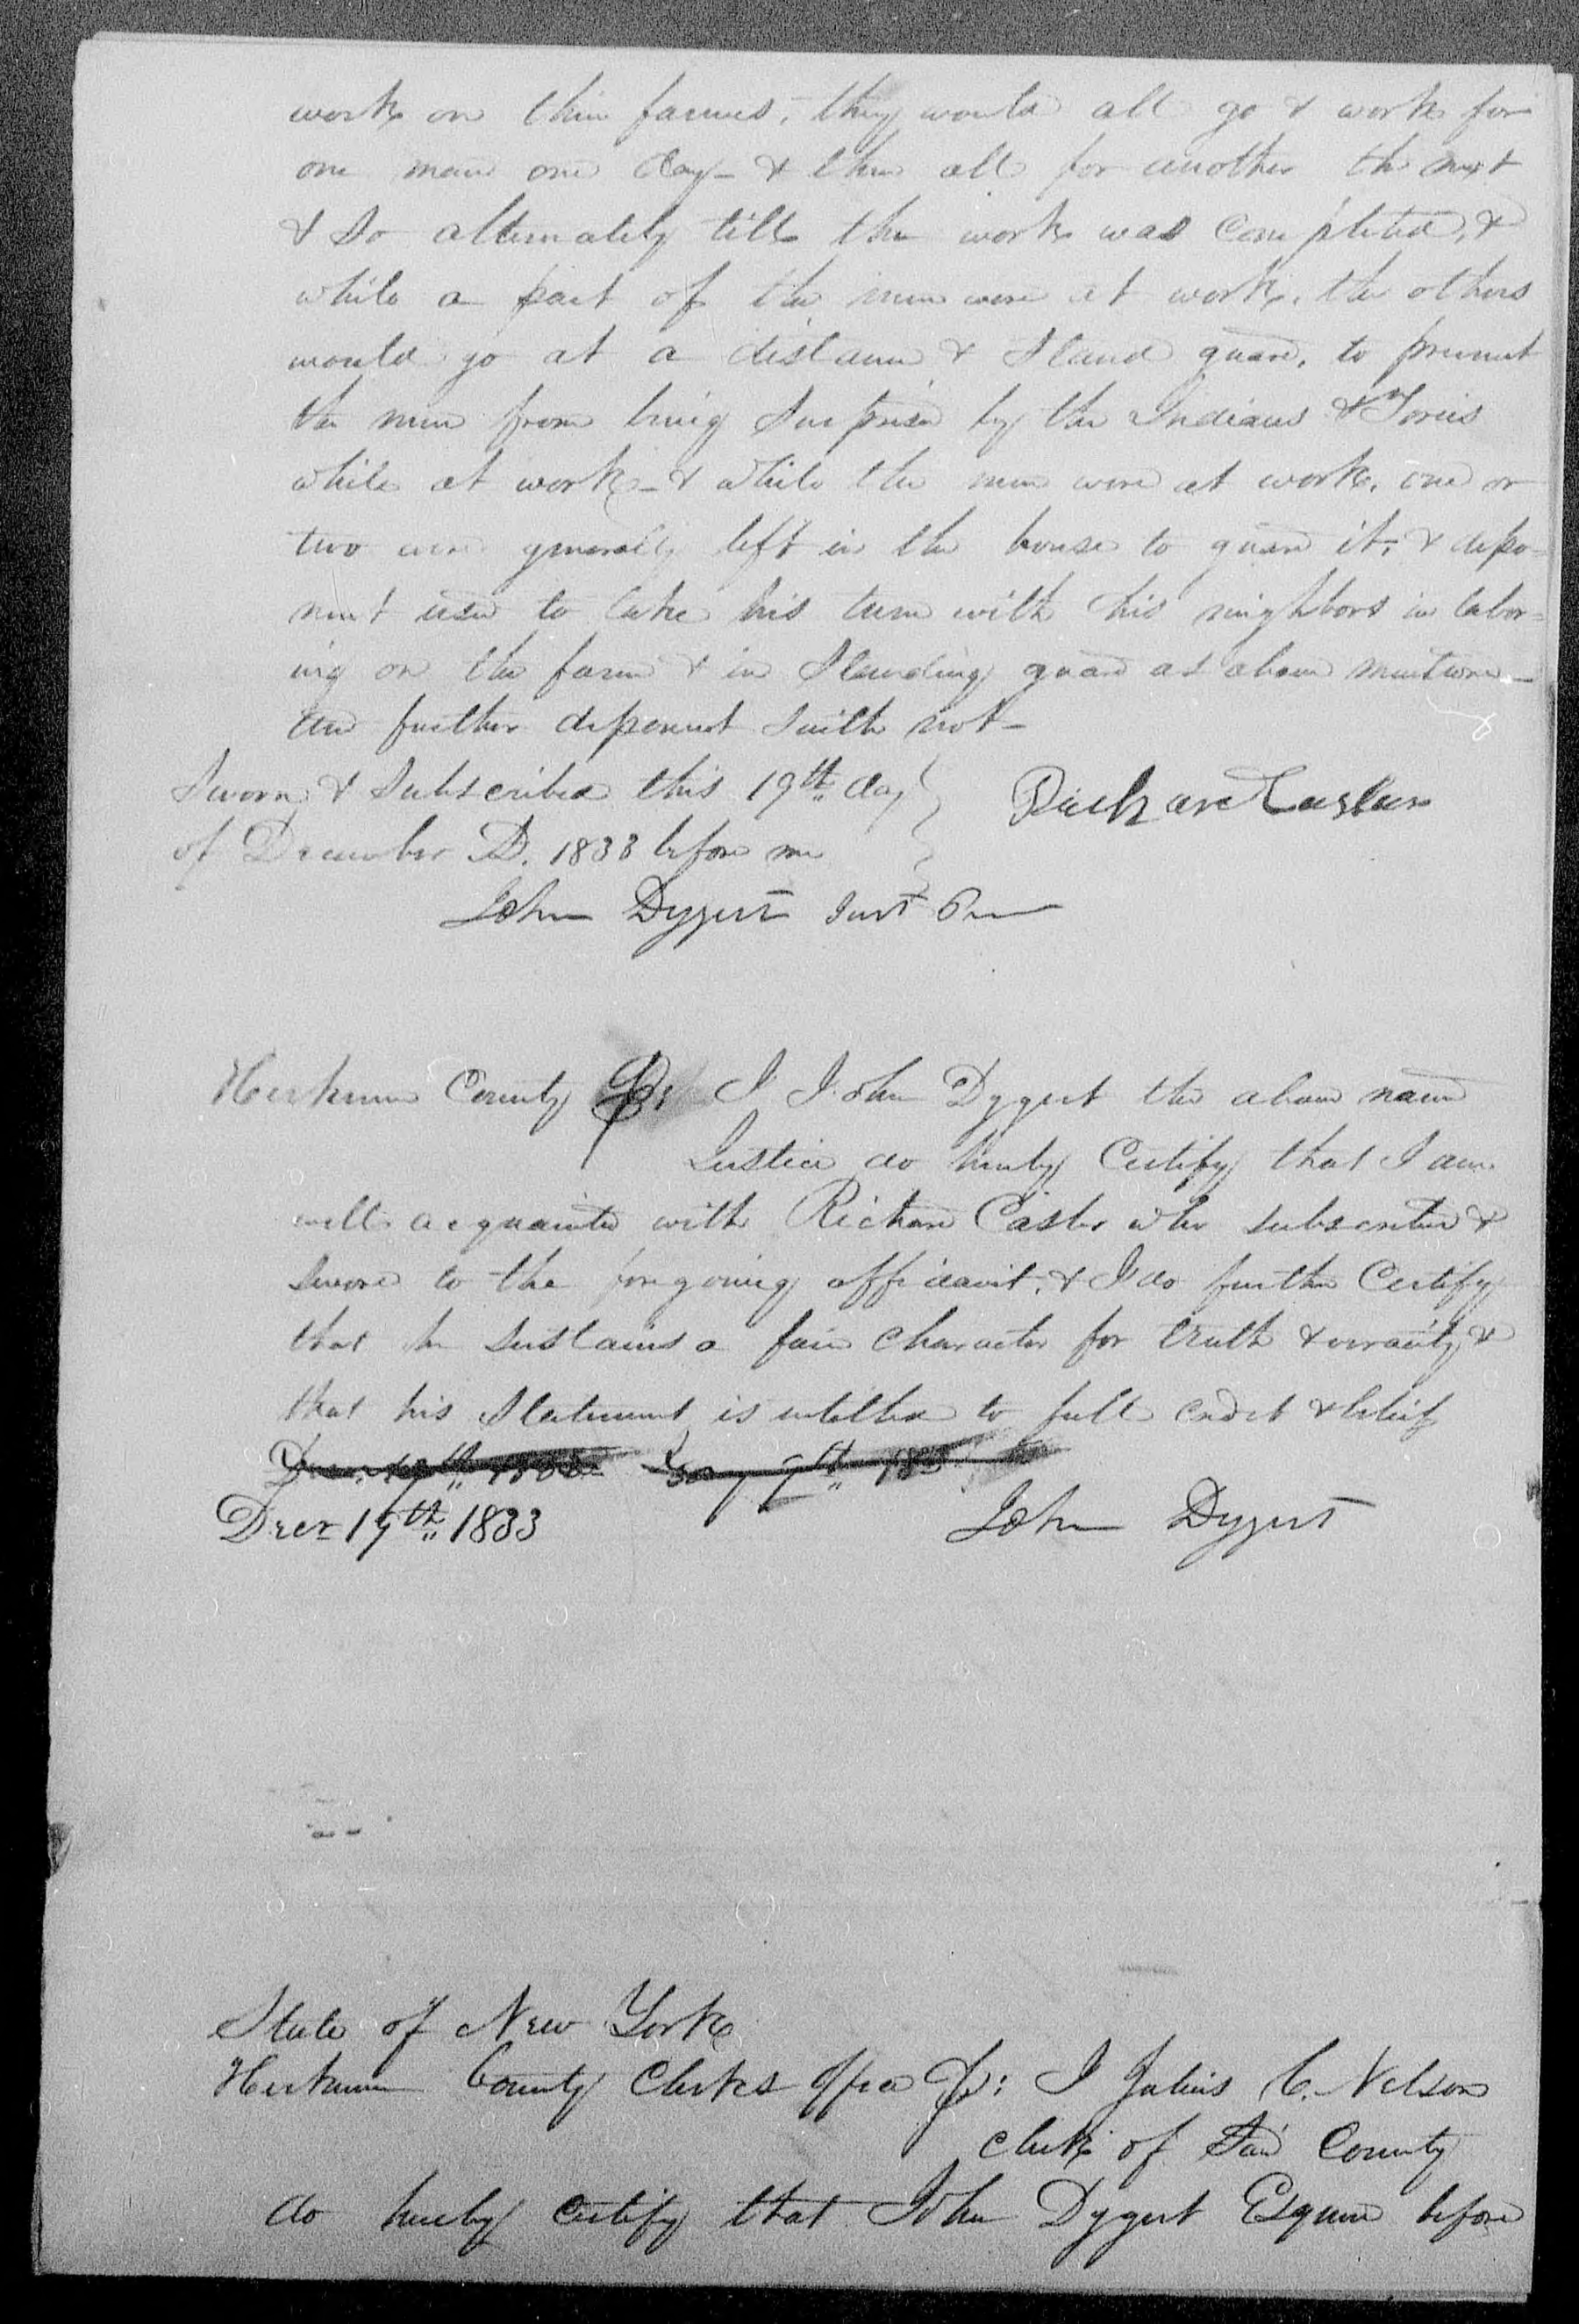work on their farms, they would all go & work for one man one day & then all for another the next & so alternately till the work was completed, & while a part of the men were at work, the others would go at a distance & stand guard to prevent the men from being surprised by the Indians & Tories while at work - & while the men were at work, one or two were generally left in the house to guard it, & deponent used to take his turn with his neighbors in laboring on the farm & in standing guard at above mentioned and further deponent saith not – 
[signed] Richard Caslar
Sworn & Subscribed this 19th day of December AD. 1833 before me 
[signed] John Dygert Just Peace

Herkimer County ss  I John Dygert the above named Justice do hereby certify that I am well acquainted with Richard Casler who subscribed & swore to the foregoing affidavit & I do further certify that he sustains a fair character for truth & veracity that his statement is entitled to full credit & belief
Decr 19th 1833  [signed] John Dygert 

State of New York 
Herkimer County Clerks office ss: I Julius C. Nelson Clerk of said county do hereby certify that John Dygert Esquire before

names: Richard Caslar, Richard Casler, John Dygert, John Dygert, John Dygert, John Dygert, Julius C Nelson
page: 50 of 66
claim: widow's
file: W. 6637, Richard Caslar, New York